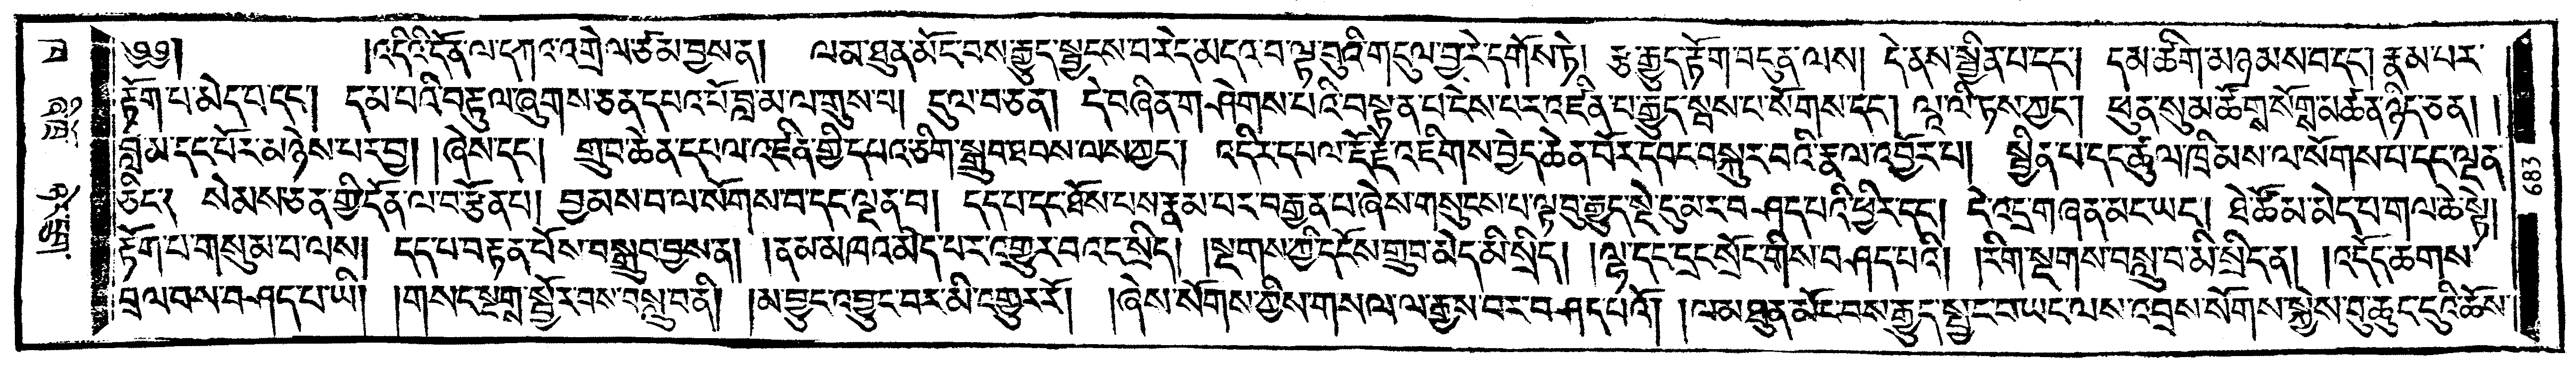༄༅། །འདིའི་དོན་ལ་དཀའ་འགྲེལ་ཙམ་བྱས་ན། ལམ་ཐུན་མོང་བས་རྒྱུད་སྦྱངས་པ་རེད་མདའ་བ་ལྟ་བུའི་གདུལ་བྱ་རེ་དགོས་ཏེ། རྩ་རྒྱུད་རྟོག་བདུན་ལས། དེ་ནས་སྦྱིན་པ་དང་། དམ་ཚིག་མཉམས་པ་དང་། རྣམ་པར་
རྟོག་པ་མེད་པ་དང་། དམ་པའི་བརྟུལ་ཞུགས་ཅན་དཔའ་པོ་བླ་མ་ལ་གུས་པ། དུལ་བ་ཅན། དེ་བཞིན་གཤེགས་པའི་བསྟན་པའི་ངེས་པར་འཛིན་པ་རྒྱུད་སྦས་པ་སོགས་དང་། ལཱ་ལི་ཏས་ཀྱང་། ཕུན་སུམ་ཚོགས་སོགས་མཚན་ཉིད་ཅན། །
བླ་མ་དང་པོར་མཉེས་པར་བྱ། །ཞེས་དང་། གྲུབ་ཆེན་དཔལ་འཛིན་གྱི་དཔའ་ཅིག་སྒྲུབ་ཐབས་ལས་ཀྱང་། འདིར་དཔལ་རྡོ་རྗེ་འཇིགས་བྱེད་ཆེན་པོར་དབང་བསྐུར་བའི་རྣལ་འབྱོར་པ། སྦྱིན་པ་དང་ཚུལ་ཁྲིམས་ལ་སོགས་པ་དང་ལྡན་
ཅིང༑ སེམས་ཅན་གྱི་དོན་ལ་བརྩོན་པ། བྱམས་པ་ལ་སོགས་པ་དང་ལྡན་པ། དད་པ་དང་ཐོས་པས་རྣམ་པར་བརྒྱན་པ་ཞེས་གསུངས་པ་ལྟ་བུ་རྒྱུད་སྡེ་དུ་མར་བཤད་པའི་ཕྱིར་དང་། དེ་འདྲ་གཞན་མང་ཡང་། ཐེ་ཚོམ་མེད་པ་གལ་ཆེ་སྟེ།
རྟོག་པ་གསུམ་པ་ལས། དད་པ་བརྟན་པོས་བསྒྲུབ་བྱས་ན། །ནམ་མཁའ་མེད་པར་འགྱུར་བའང་སྲིད། །སྔགས་ཀྱི་དངོས་གྲུབ་མེད་མི་སྲིད། །ལྷ་དང་དྲང་སྲོང་གིས་བཤད་པའི། །རིག་སྔགས་བསླུ་བ་མི་སྲིད་ན། །འདོད་ཆགས་
བྲལ་བས་བཤད་པ་ཡི། །གསང་སྔགས་སྦྱོར་བས་བསླུ་བ་ནི། །མ་བྱུང་འབྱུང་བར་མི་འགྱུར་རོ། །ཞེས་སོགས་ཀྱིས་གསལ་ལ་རྒྱས་བར་བཤད་པའོ། །ལམ་ཐུན་མོང་བས་རྒྱུད་སྦྱང་བ་ཡང་ལས་འབྲས་སོགས་སྐྱེས་བུ་ཆུང་ངུའི་ཆོས་